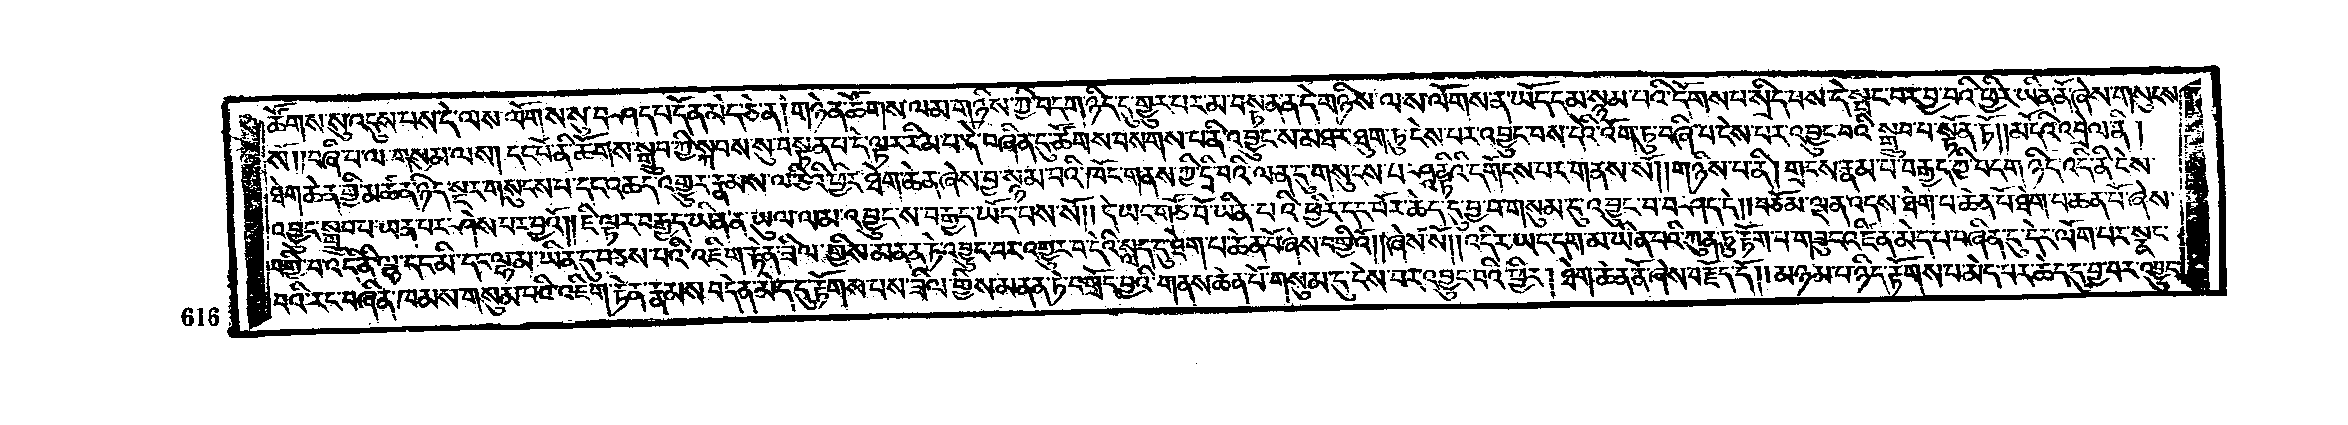ཚོགས་སུ་འདུས་པས་དེ་ལས་ལོགས་སུ་བཤད་པ་དོན་མེད་ཅེ་ན། གཉེན་ཚོགས་ལམ་གཉིས་ཀྱི་བདག་ཉིད་དུ་གྱུར་པར་མ་བསྟན་ན་དེ་གཉིས་ལས་ལོགས་ན་ཡོད་དམ་སྙམ་པའི་དོགས་པ་སྲིད་པས་དེ་སྤང་བར་བྱ་བའི་ཕྱིར་ཡིན་ནོ་ཞེས་གསུངས་
སོ། །བཞི་པ་ལ་གསུམ་ལས། དང་པོ་ནི་ཆོགས་སྒྲུབ་ཀྱི་སྐབས་སུ་བསྟན་པ་དེ་ལྟར་རིམ་པ་དེ་བཞིན་དུ་ཚོགས་བསགས་པ་ནི་འབྱུང་ས་མཐར་ཐུག་ཏུ་ངེས་པར་འབྱུང་བས་དེའི་འོག་ཏུ་བཞི་པ་ངེས་པར་འབྱུང་བའི་སྒྲུབ་པ་སྟོན་ཏོ། །མདོའི་འབྲེལ་ནི།
ཐེག་ཆེན་གྱི་མཚན་ཉིད་སྔར་གསུངས་པ་དང་འཆད་འགྱུར་རྣམས་ལ་ཅིའི་ཕྱིར་ཐེག་ཆེན་ཞེས་བྱ་སྙམ་པའི་ཁོང་གནས་ཀྱི་དྲི་བའི་ལན་དུ་གསུངས་པ་ཤཱནྟིའི་དགོངས་པར་གནས་སོ། །གཉིས་པ་ནི། གྲངས་རྣམ་པ་བརྒྱད་ཀྱི་བདག་ཉིད་འདི་ནི་ངེས་
འབྱུང་སྒྲུབ་པ་ཡིན་པར་ཤེས་པར་བྱའོ། །ཇི་ལྟར་བརྒྱད་ཡིན་ན་ཡུལ་ལམ་འབྱུང་ས་བརྒྱད་ཡོད་པས་སོ། །དེ་ཡང་གཙོ་བོ་ཡིན་པའི་ཕྱིར་དང་པོར་ཆེད་དུ་བྱ་བ་གསུམ་དུ་འབྱུང་བ་བཤད་དེ། །བཅོམ་ལྡན་འདས་ཐེག་པ་ཆེན་པོ་ཐེག་པ་ཆེན་པོ་ཞེས་
བགྱི་བ་འདི་ནི་ལྷ་དང་མི་དང་ལྷ་མ་ཡིན་དུ་བཅས་པའི་འཇིག་རྟེན་ཟིལ་གྱིས་མནན་ཏེ་འབྱུང་བར་འགྱུར་བ་དེའི་སླད་དུ་ཐེག་པ་ཆེན་པོ་ཞེས་བགྱིའོ། །ཞེས་སོ། །འདིར་ཡང་དག་མ་ཡིན་པའི་ཀུན་ཏུ་རྟོག་པ་གཟུང་འཛིན་མེད་པ་བཞིན་དུ་དེར་ལོག་པར་སྣང་
བའི་རང་བཞིན་ཁམས་གསུམ་པའི་འཇིག་རྟེན་རྣམས་བདེན་མེད་དུ་རྟོགས་པས་ཟིལ་གྱིས་མནན་ཏེ་བགྲོད་བྱའི་གནས་ཆེན་པོ་གསུམ་དུ་ངེས་པར་འབྱུང་བའི་ཕྱིར། ཐེག་ཆེན་ནོ་ཞེས་བརྗོད་དོ། །མཉམ་པ་ཉིད་རྟོགས་པ་མེད་པར་ཆེད་དུ་བྱ་བར་འབྱུང་